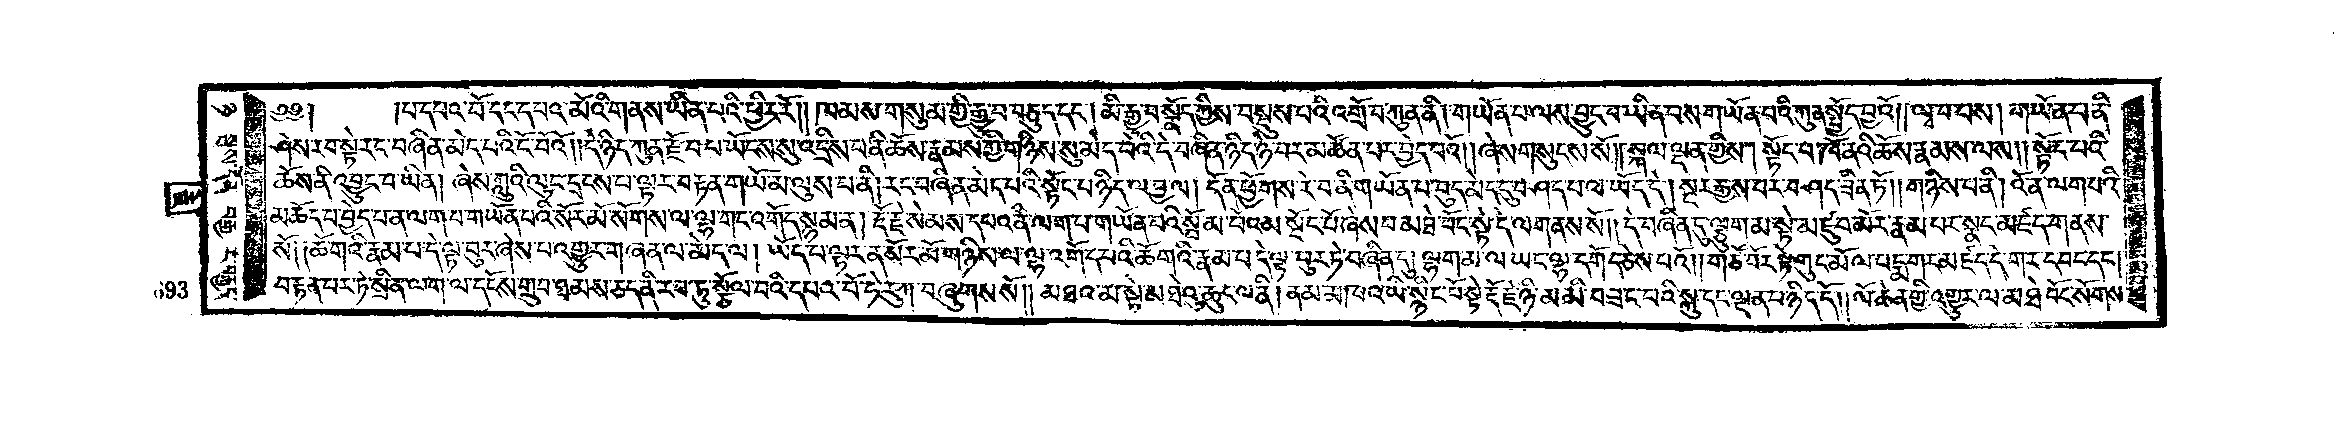༄༅། །པ་དཔའ་བོ་དང་དཔའ་མོའི་གནས་ཡིན་པའི་ཕྱིར་རོ། །ཁམས་གསུམ་གྱི་རྒྱུ་བ་བཅུད་དང་། མི་རྒྱུ་བ་སྣོད་ཀྱིས་བསྡུས་པའི་འགྲོ་བ་ཀུན་ནི། གཡོན་པ་ལས་བྱུང་བ་ཡིན་པས་གཡོན་པའི་ཀུན་སྤྱོད་བྱའོ། །ལྭ་བ་པས། གཡོན་པ་ནི་
ཤེས་རབ་སྟེ་རང་བཞིན་མེད་པའི་ངོ་བོའོ། །དེ་ཉིད་ཀུན་རྫོབ་པ་ཡོངས་སུ་འདྲིས་པ་ནི་ཆོས་རྣམས་ཀྱི་གཉིས་སུ་མེད་པའི་དེ་བཞིན་ཉིད་ཉེ་བར་མཚོན་པར་བྱེད་པའོ། །ཞེས་གསུངས་སོ། །སྐལ་ལྡན་གྱིས། སྟོང་པ་ཁོ་ནའི་ཆོས་རྣམས་ལས། །སྟོང་པའི་
ཆོས་ནི་འབྱུང་བ་ཡིན། ཞེས་ཀླུའི་ལུང་དྲངས་པ་ལྟར་བརྟན་གཡོ་མ་ལུས་པ་ནི། རང་བཞིན་མེད་པའི་སྟོང་པ་ཉིད་ལ་བྱ་ལ། དོན་ཕྱོགས་རེ་བ་ནི་གཡོན་པ་བུད་མེད་དུ་བཤད་པ་ལ་ཡོད་དེ། སྔར་རྒྱས་པར་བཤད་ཟིན་ཏོ། །གཉིས་པ་ནི། འོ་ན་ལག་པའི་
མཆོད་པ་བྱེད་པ་ན་ལག་པ་གཡོན་པའི་སོར་མོ་སོགས་ལ་ལྷ་གང་འགོད་སྙམ་ན། རྡོ་རྗེ་སེམས་དཔའ་ནི་ལག་པ་གཡོན་པའི་སྦོམ་པོའམ་སྡོང་པོ་ཞེས་པ་མཐེ་བོང་སྟེ་དེ་ལ་གནས་སོ། །དེ་བཞིན་དུ་ལྕུག་མ་སྟེ་མཛུབ་མོར་རྣམ་པར་སྣང་མཛད་གནས་
སོ། །ཆོ་གའི་རྣམ་པ་དེ་ལྟ་བུར་ཞེས་པ་འགྱུར་གཞན་ལ་མེད་ལ། ཡོད་པ་ལྟར་ན་སོར་མོ་གཉིས་ལ་ལྷ་འགོད་པའི་ཆོ་གའི་རྣམ་པ་དེ་ལྟ་བུར་ཏེ་བཞིན་དུ། ལྷག་མ་ལ་ཡང་ལྷ་དགོད་ཅེས་པའོ། །གཙོ་བོར་སྟེ་གུང་མོ་ལ་པདམ་གར་མཛད་དེ་གར་དབང་དང་།
བརྟན་པར་ཏེ་སྲིན་ལག་ལ་དངོས་གྲུབ་ཐམས་ཅད་ནི་རབ་ཏུ་སྩོལ་བའི་དཔའ་བོ་ཧེ་རུ་ཀ་བཞུགས་སོ། །མཐའ་མ་སྟེ་མཐེའུ་ཆུང་ལ་ནི། ནམ་མཁའ་ཡི་སྙིང་པོ་སྟེ་རྡོ་རྗེ་ཉི་མ་མི་བཟང་པའི་སྐུ་དང་ལྡན་པ་ཉིད་དོ། །ལོ་ཆེན་གྱི་འགྱུར་ལ་མཐེ་བོང་སོགས་